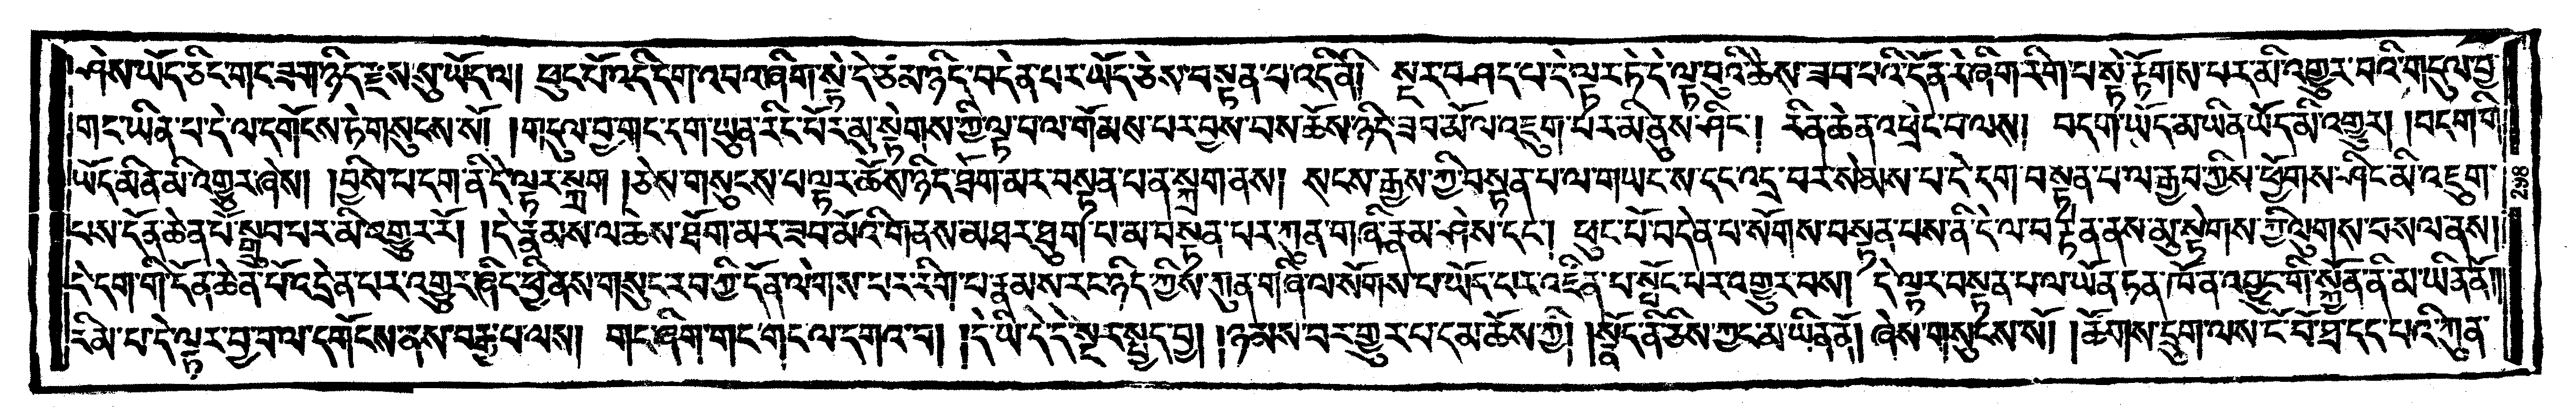ཤེས་ཡོད་ཅིང་གང་ཟག་ཉིད་རྫས་སུ་ཡོད་ལ། ཕུང་པོ་འདི་དག་འབའ་ཞིག་སྟེ་དེ་ཙམ་ཉིད་བདེན་པར་ཡོད་ཅེས་བསྟན་པ་འདི་ནི། སྔར་བཤད་པ་དེ་ལྟར་ཏེ་དེ་ལྟ་བུའི་ཆེས་ཟབ་པའི་དོན་རེ་ཞིག་རིག་པ་སྟེ་རྟོགས་པར་མི་འགྱུར་བའི་གདུལ་བྱ་
གང་ཡིན་པ་དེ་ལ་དགོངས་ཏེ་གསུངས་སོ། །གདུལ་བྱ་གང་དག་ཡུན་རིང་པོར་མུ་སྟེགས་ཀྱི་ལྟ་བ་ལ་གོམས་པར་བྱས་པས་ཆོས་ཉིད་ཟབ་མོ་ལ་འཇུག་པར་མི་ནུས་ཤིང་། རིན་ཆེན་འཕྲེང་བ་ལས། བདག་ཡོད་མ་ཡིན་ཡོད་མི་འགྱུར། །བདག་གི་
ཡོད་མིན་མི་འགྱུར་ཞེས། །བྱིས་པ་དག་ནི་དེ་ལྟར་སྐྲག །ཅེས་གསུངས་པ་ལྟར་ཆོས་ཉིད་ཐོག་མར་བསྟན་པ་ན་སྐྲག་ནས། སངས་རྒྱས་ཀྱི་བསྟན་པ་ལ་གཡང་ས་དང་འདྲ་བར་སེམས་པ་དེ་དག་བསྟན་པ་ལ་རྒྱབ་ཀྱིས་ཕྱོགས་ཤིང་མི་འཇུག་
པས་དོན་ཆེན་པོ་སྒྲུབ་པར་མི་འགྱུར་རོ། །དེ་རྣམས་ལ་ཆེས་ཐོག་མར་ཟབ་མོའི་གནས་མཐར་ཐུག་པ་མ་བསྟན་པར་ཀུན་གཞི་རྣམ་ཤེས་དང་། ཕུང་པོ་བདེན་པ་སོགས་བསྟན་པས་ནི་དེ་ལ་བརྟེན་ནས་མུ་སྟེགས་ཀྱི་ལུགས་བསལ་ནས།
དེ་དག་གི་དོན་ཆེན་པོ་འདྲེན་པར་འགྱུར་ཞིང་ཕྱི་ནས་གསུང་རབ་ཀྱི་དོན་ལེགས་པར་རིག་པ་རྣམས་རང་ཉིད་ཀྱིས་ཀུན་གཞི་ལ་སོགས་པ་ཡོད་པར་འཛིན་པ་སྤོང་བར་འགྱུར་བས། དེ་ལྟར་བསྟན་པ་ལ་ཡོན་ཏན་ཁོ་ན་འབྱུང་གི་སྐྱོན་ནི་མ་ཡིན་ནོ།།
རིམ་པ་དེ་ལྟར་བྱ་བ་ལ་དགོངས་ནས་བརྒྱ་པ་ལས། གང་ཞིག་གང་གང་ལ་དགའ་བ། །དེ་ཡི་དེ་དེ་སྔར་སྤྱད་བྱ། །ཉམས་པར་གྱུར་པ་དམ་ཆོས་ཀྱི། །སྣོད་ནི་ཅིས་ཀྱང་མ་ཡིན་ནོ། ཞེས་གསུངས་སོ། །ཚོགས་དྲུག་ལས་ངོ་བོ་ཐ་དད་པའི་ཀུན་